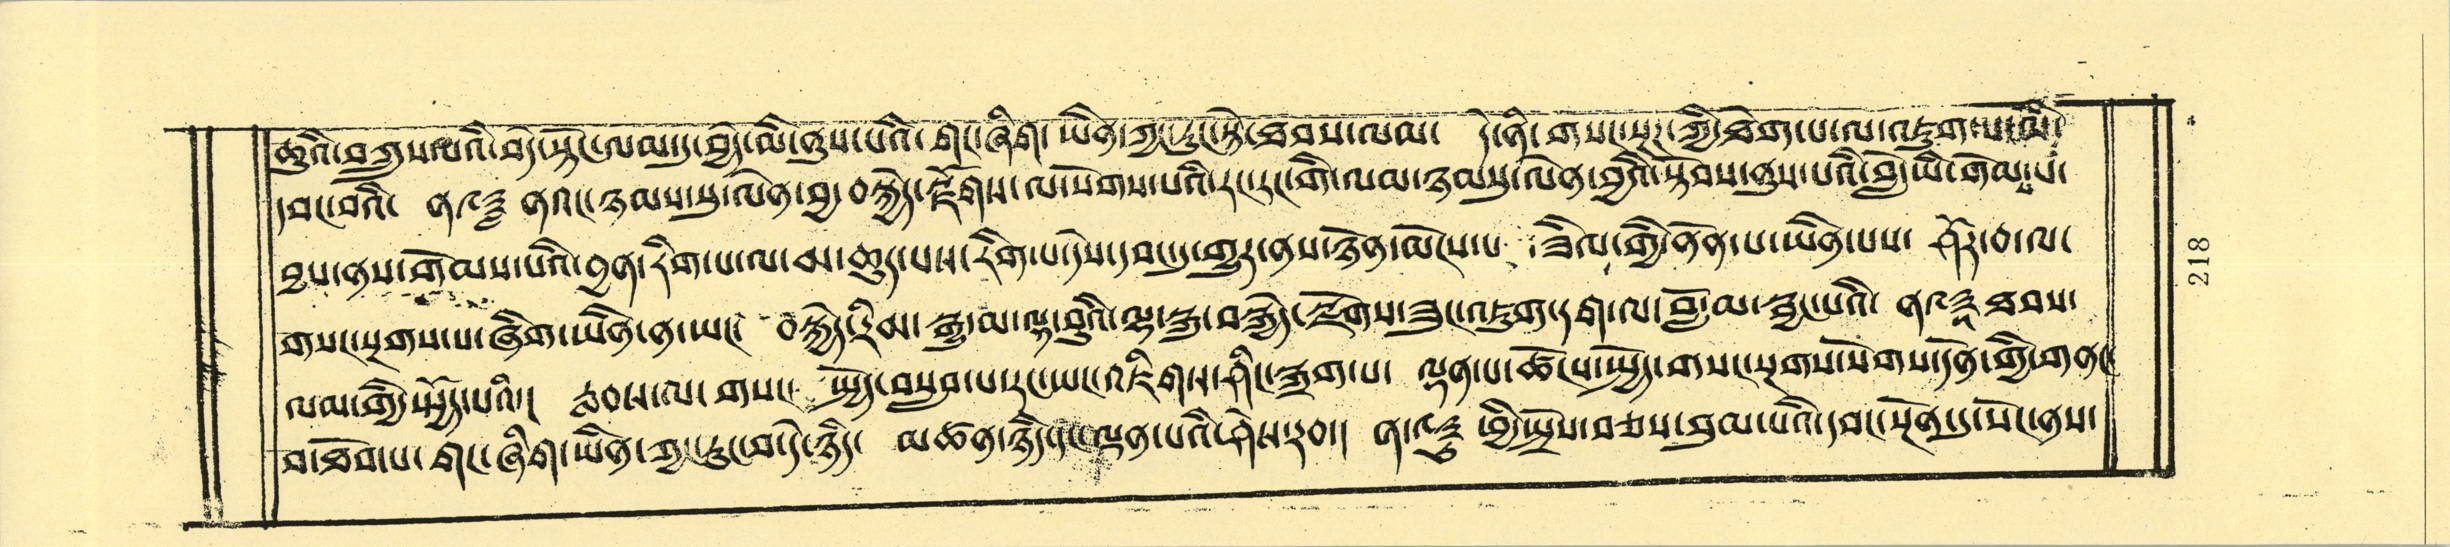ཆུའི་བཀྲུས་པའི་བདེ་སྟོང་ལམ་དུ་བྱེད་མི་ནུས་པའི་གང་ཞིག་ཡིན་ཀྱང་རུང་སྟེ་ཐབས་ལམ། དེ་ནི་གསང་སྔགས་ཀྱི་ཐེག་པ་ལ་འཇུག་པ་མི་
དབང་བའི། ན༩༣།༤ ནའང་ཉམས་སུ་ལེན་བྱ་བསྐྱེད་སྫོགས་ལ་སོགས་པའི་རང་རང་གི་ལམ་ཉམས་སུ་ལེན་བྱའི་སྟོབས་ནུས་པའི་བློ་ཡི་གོམས་པ་
བྱས་ནས་གོམས་པའི་བྱན་རིག་པ་ལ་མ་ཆུད་པས་རིག་པ་དེས་དབང་དུ་གྱུར་ནས་ཉོན་མོངས་པ་ ཟིལ་གྱི་ནོན་པ་ཡིན་པས། ཤོར་བ་ལ་
གསང་སྔགས་པ་ཞིག་ཡིན་ན་ཡང། བསྐྱེད་རིམ་སྒྱུ་མ་ལྟ་བུའི་ལྷ་སྐུ་བསྐྱེད་སྫོགས་ཟུང་འཇུག་དག་ལ་བློ་མ་སྦྱང་པའི་ ན༩༣།༥ ཐབས་
ལམ་གྱི་སྤྱོད་པའི་ རླབས་ལ་གསང་ སྤྱོད་བསླབ་པ་རང་ཡང་འཇིགས་ཤིང་སྐྲག་པ། ལྡན་པ་ཚོངས་སྤྱོད་གསང་སྔགས་སོགས་དོན་གྱི་གནང་
བ་ཐོབ་པ་གང་ཞིག་ཡིན་ཀྱང་རུང་བ་དེ་ཉིད། མཚན་ཉིད་དང་ལྡན་པའི་ཤེས་རབ་ ན༩༣།༦ ཕྱི་སྤྲོས་བཅས་བུམ་པའི་དབང་སྔོན་དུ་སོང་ནས་